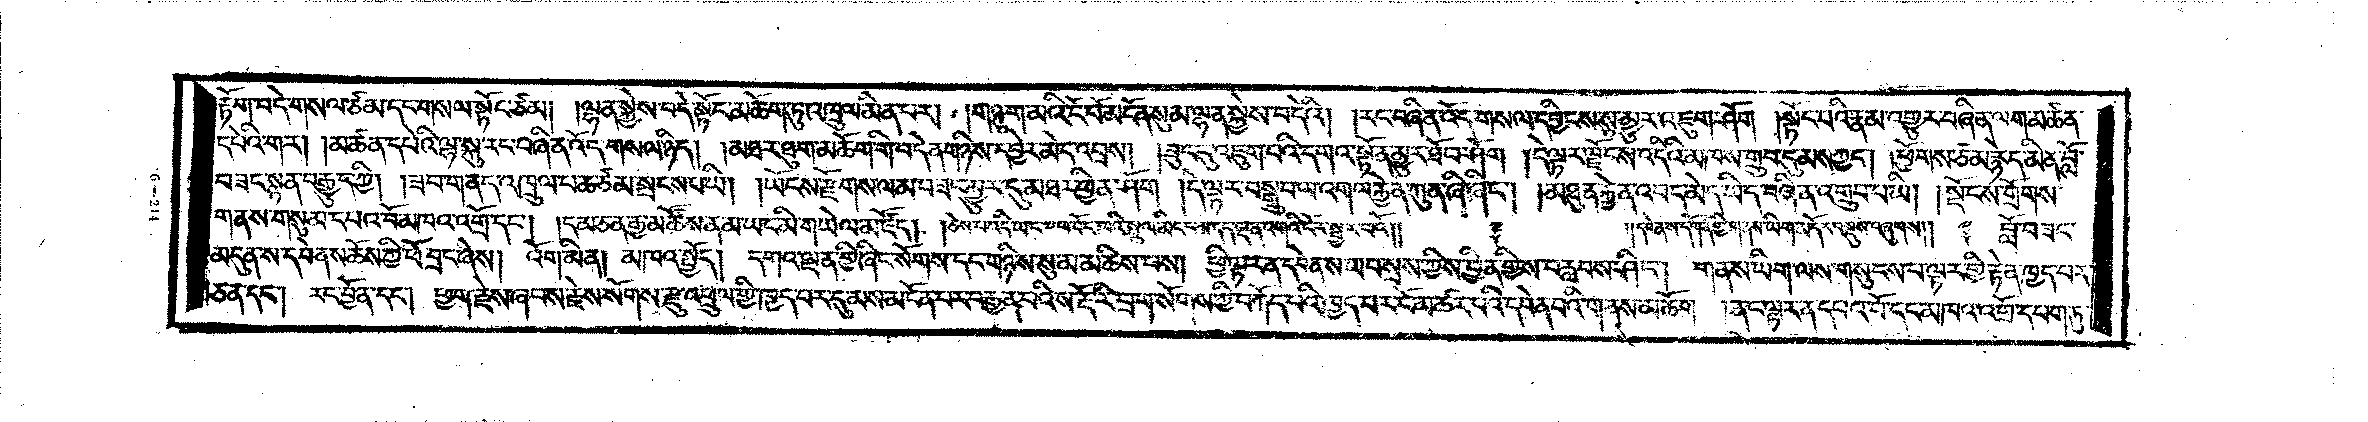རྟོག་བདེ་གསལ་ཙམ་དང་གསལ་སྟོང་ཙམ། །ལྷན་སྐྱེས་བདེ་སྟོང་མཆོག་ཏུ་འཁྲུལ་མིན་པར། །གཉུག་མའི་ངོ་བོ་མངོན་སུམ་ལྷན་སྐྱེས་བདེའི། །རང་བཞིན་འོད་གསལ་དབྱིངས་སུ་མྱུར་འཇུག་ཤོག །སྟོང་པའི་རྣམ་འགྱུར་བཞིན་ལག་མཚན་
དཔེའི་གར། །མཚན་དཔེའི་ལྷ་སྐུ་རང་བཞིན་འོད་གསལ་ཉིད། །མཐར་ཐུག་མཆོག་གི་བདེན་གཉིས་དབྱེར་མེད་འབྲས། །ཟུང་དུ་འཇུག་པའི་དགའ་སྟོན་མྱུར་ཐོབ་ཤོག །དེ་ལྟར་ལྗོངས་འདིའི་མཁས་གྲུབ་དུ་མས་ཀྱང་། །ཕྱོགས་ཙམ་རྙེད་མིན་བློ་
བཟང་སྙན་བརྒྱུད་ཀྱི། །ཟབ་གནད་འཁྲུལ་པ་ཚ་ཙམ་སྤངས་པ་ཡི། །ཡོངས་རྫོགས་ལམ་བཟང་མྱུར་དུ་མཐར་ཕྱིན་ཤོག །དེ་ལྟར་བསྒྲུབ་ལ་འགལ་རྐྱེན་ཀུན་ཞི་ཞིང་། །མཐུན་རྐྱེན་འབད་མེད་ཡིད་བཞིན་འགྲུབ་པ་ཡི། །སྡོངས་གྲོགས་
གནས་གསུམ་དཔའ་བོ་མཁའ་འགྲོ་དང་། །དམ་ཅན་རྒྱ་མཚོས་ན་མ་ཡང་མི་གཡེལ་མཛོད། །ཅེས་པ་འདི་ཡང་ཕ་བོང་ཁའི་སྤྲུལ་མིང་པས་དད་ལྡན་འགའི་ངོར་སྦྱར་བའོ།། ༈ །།དཔེ་ནས་དགོན་གྱི་གནས་ཡིག་མདོར་བསྡུས་བཞུགས།།  ༈ བློ་བཟང་
མདུན་ས་དབེན་ས་ཆོས་ཀྱི་ཕོ་བྲང་ཞེས། འོག་མིན། མཁའ་སྤྱོད། དགའ་ལྡན་གྱི་ཞིང་སོགས་དང་གཉིས་སུ་མ་མཆིས་པས། ཕྱི་ལྟར་ན་དབེན་ས་ཡབ་སྲས་ཀྱིས་བྱིན་གྱིས་བརླབས་ཤིང་། གནས་ཡི་ལས་གསུངས་པ་ལྟར་གྱི་རྟེན་ཁྱད་པར་
ཅན་དང་། རང་བྱོན་དང་། ཕྱག་རྗེས་ཞབས་རྗེས་སོགས་རྫུ་འཕྲུལ་གྱིས་ཁྱད་པར་དུ་མས་མངོན་པར་བརྒྱན་པའི་ས་རྡོ་རི་བྲག་སོགས་ཀྱི་བཀོད་པའི་ཁྱད་པར་ངོ་མཚར་བའི་དབེན་པའི་གནས་མཆོག །ནང་ལྟར་ན་དབའ་པོ་དང་མཁའ་འགྲོ་དཔག་ཏུ་